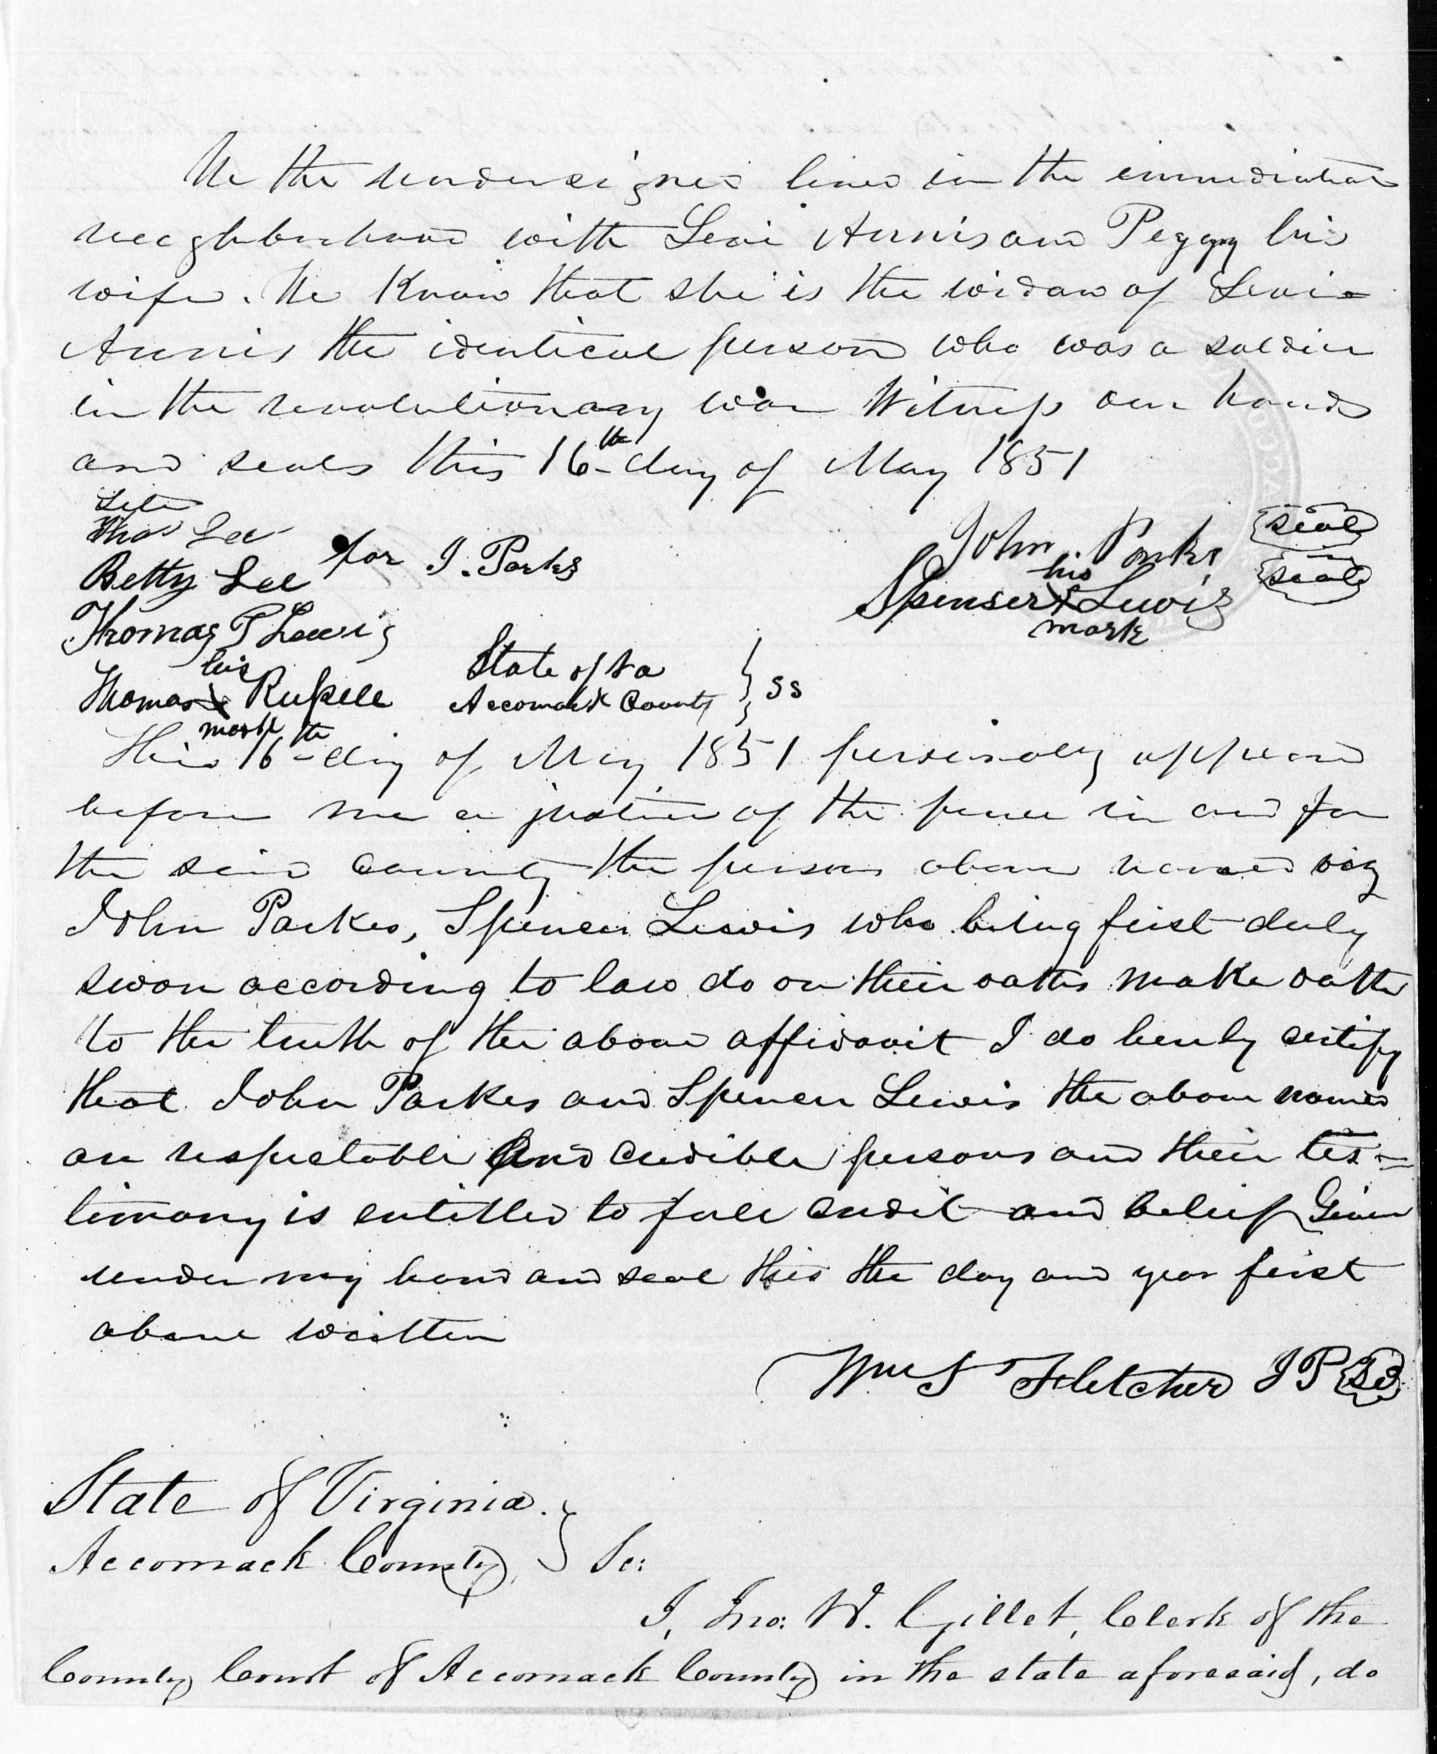We the undersigned lived in the immediate neighborhood with Levi Annis and Peggy his wife.  We know that she is the widow of Levi Annis the identical person who was a soldier in the Revolutionary War.  Witness our hands and seals this 16th day of May 1851.
John Parks [handwritten SEAL]
Spenser Lewis his mark [handwritten SEAL}

Thos Lee
Betty Lee for J. Parks
Thomas P. Lewis
Thomas Russell X his mark

State of Va.
Accomack County SS

This 16th day of May 1851 personally appeared before me a justice of the peace in and for the said county the persons above named viz John Parkes, Spencer Lewis who being first duly sworn according to law do on their oath make oath to the trust of the above affidavit  I do hereby certify that John Parkes and Spencer Lewis the above named as respectable and credible persons and their testimony is entitled to full credit and belief.
Given under my hand and seal this the day and year first above written.
Wm. S. Fletcher  J P [handwritten SEAL]

State of Virginia 
Accomack County Sc:
I, Jno: W. Gillet, Clerk of the County Court of Accomack County in the state aforesaid, do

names: Spencer Lewis, Wm S Fletcher, John Parks, Peggy, J Parks, Spencer Lewis, John Parkes, Betty Lee, John Parkes, Thomas Rupell, Thos Lee, Spencer Lewis, Thomas P Lewis, Levi Annis, Jno W Gillet, Levi Annis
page: 20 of 27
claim: widow's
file: W 5624, Levi Annis, Va. Va. Sea Service